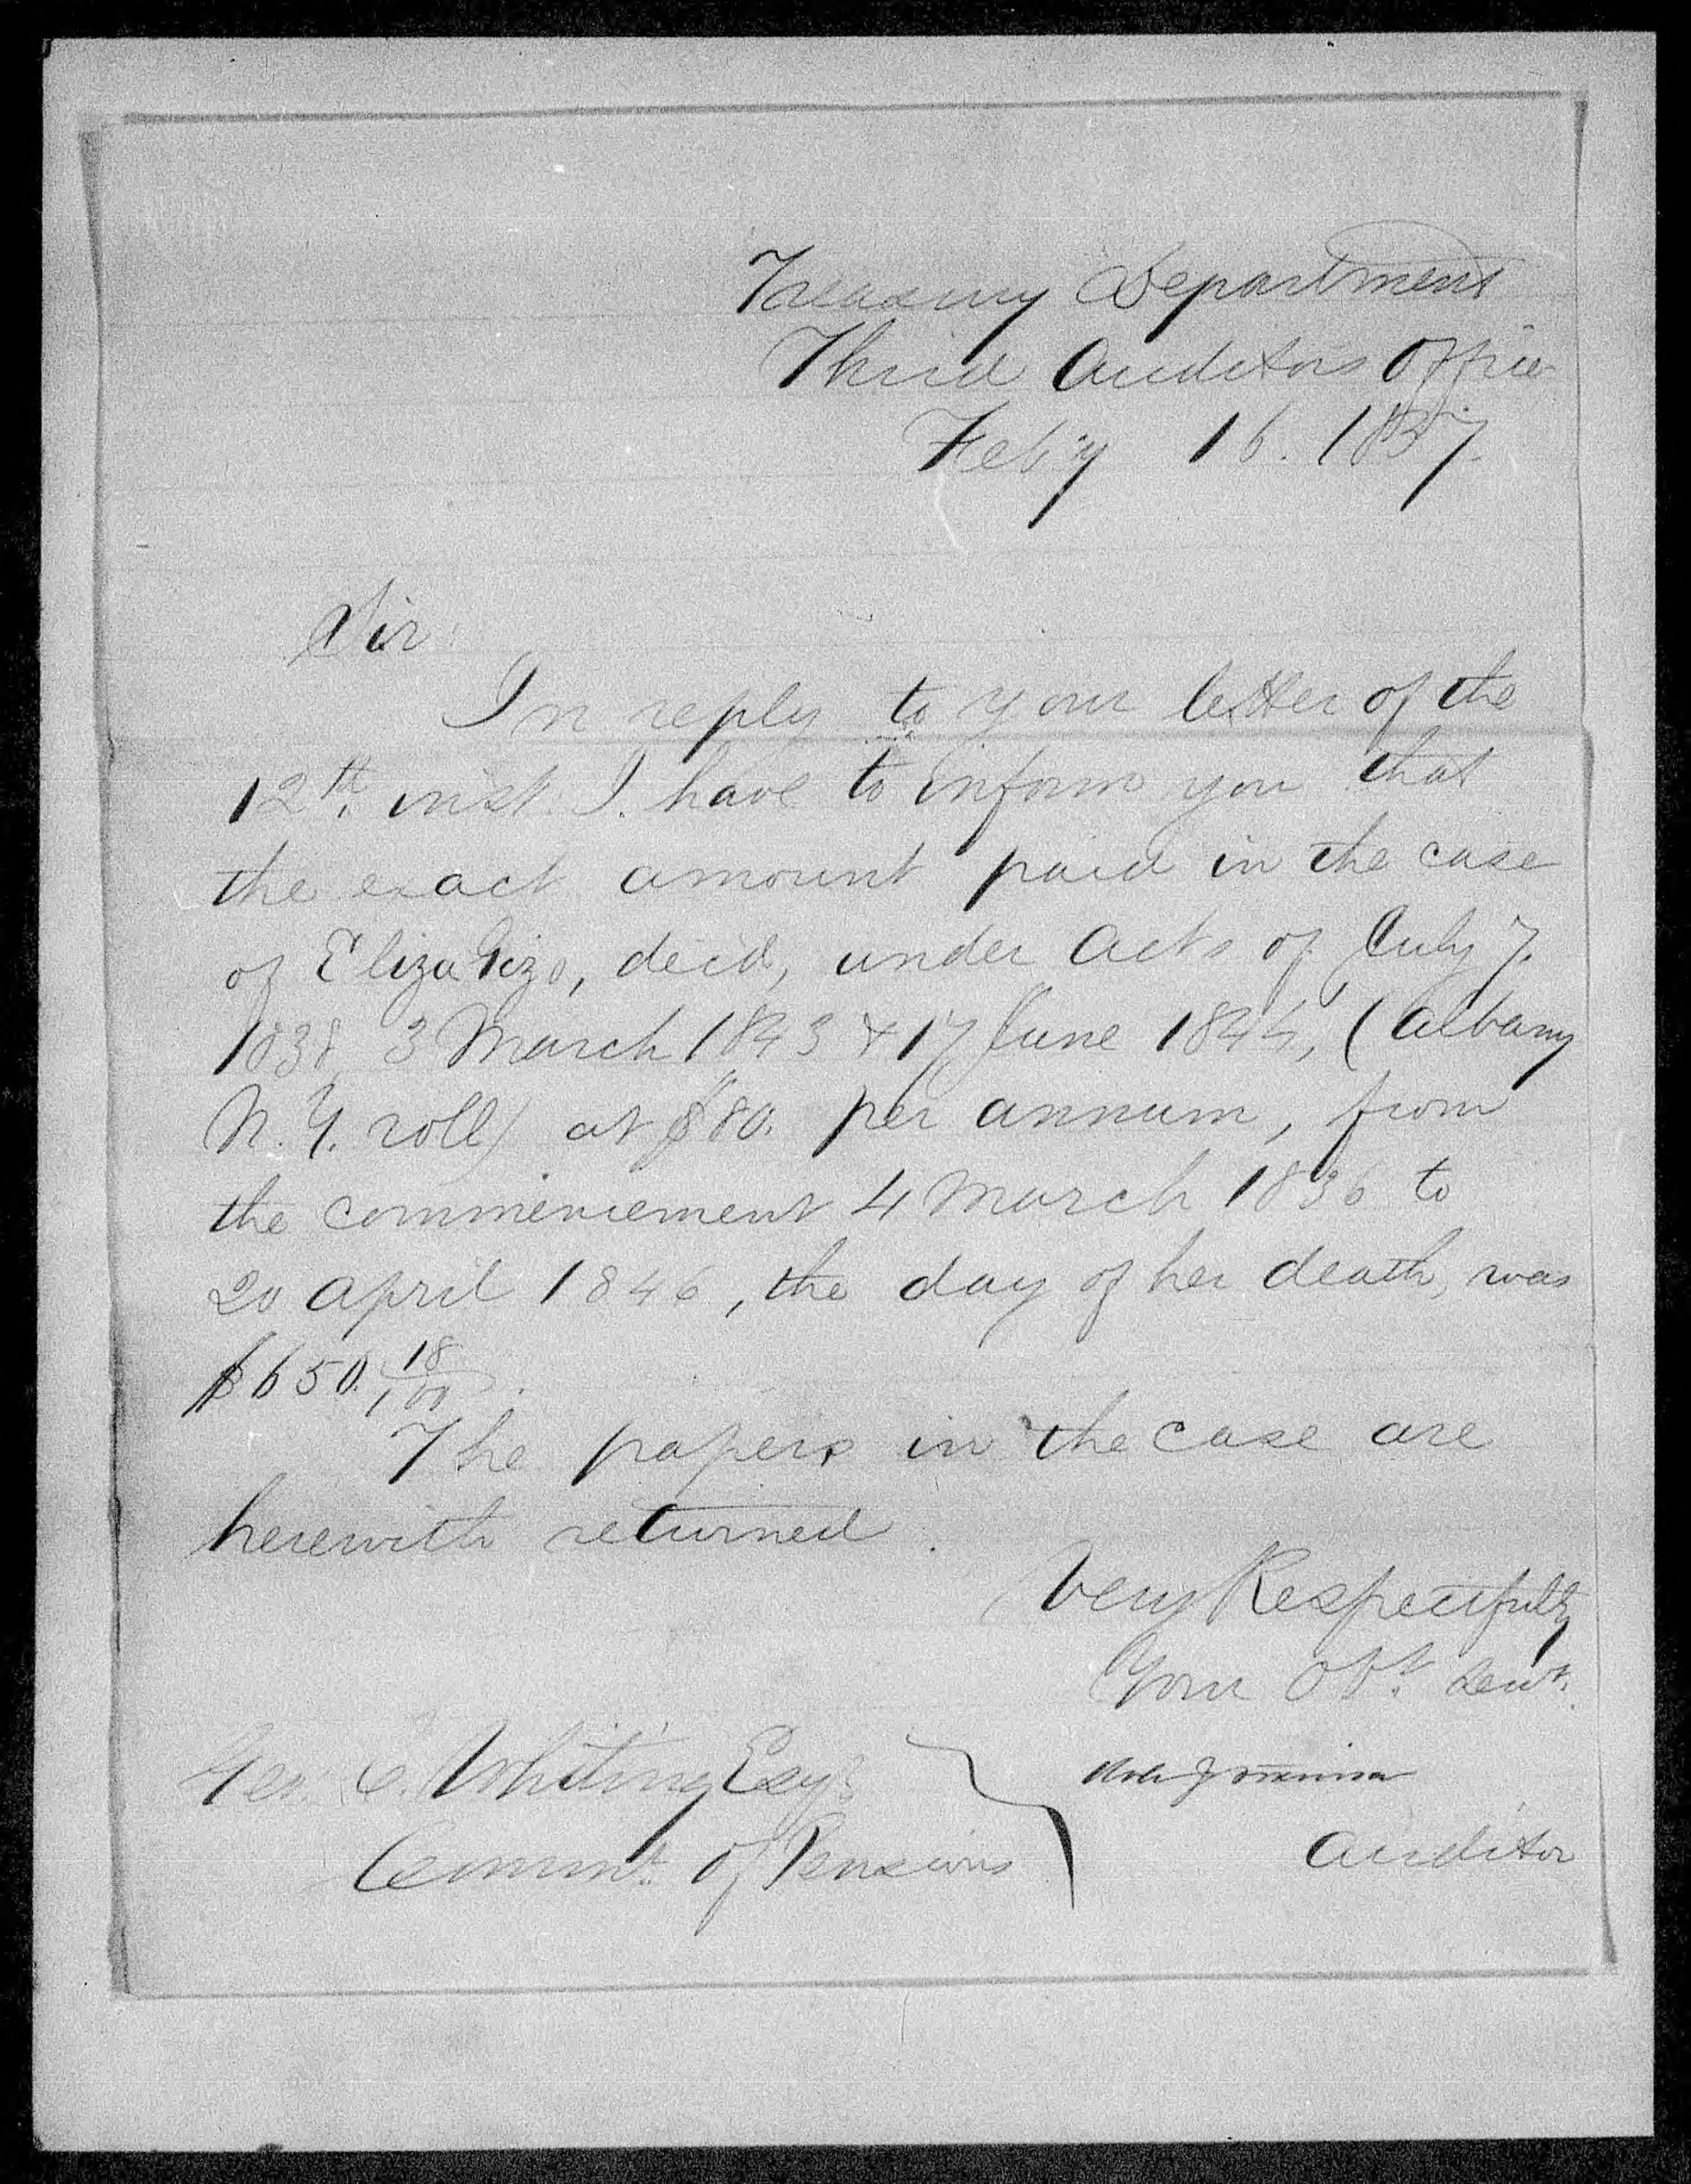Treasury Department
Third Auditors Office
Feby 16, 1837

Sir,
In reply to your letter of the 12th inst. I have to inform you that the exact amount paid in the case of Eliza Gigo, decd, under Act of July 7, 1838,  3 March 1843 and 17 June 1845 (Albany NY roll) at $80 per annum from the commencement 4 March 1836 to 20 April 1846, the day of her death, was $650 18/100.
The papers in the case are herewith returned.
Very respectfully,
Your Obt Sevt
Rob J [illegible]
Auditor

Geo C Whiting
Comm. of Pensions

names: Eliza Gizo, Robt J Atkinson, Geo C Whiting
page: 92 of 98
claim: widow's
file: W. 21182, Francis Gigo, Continental (Canadian)